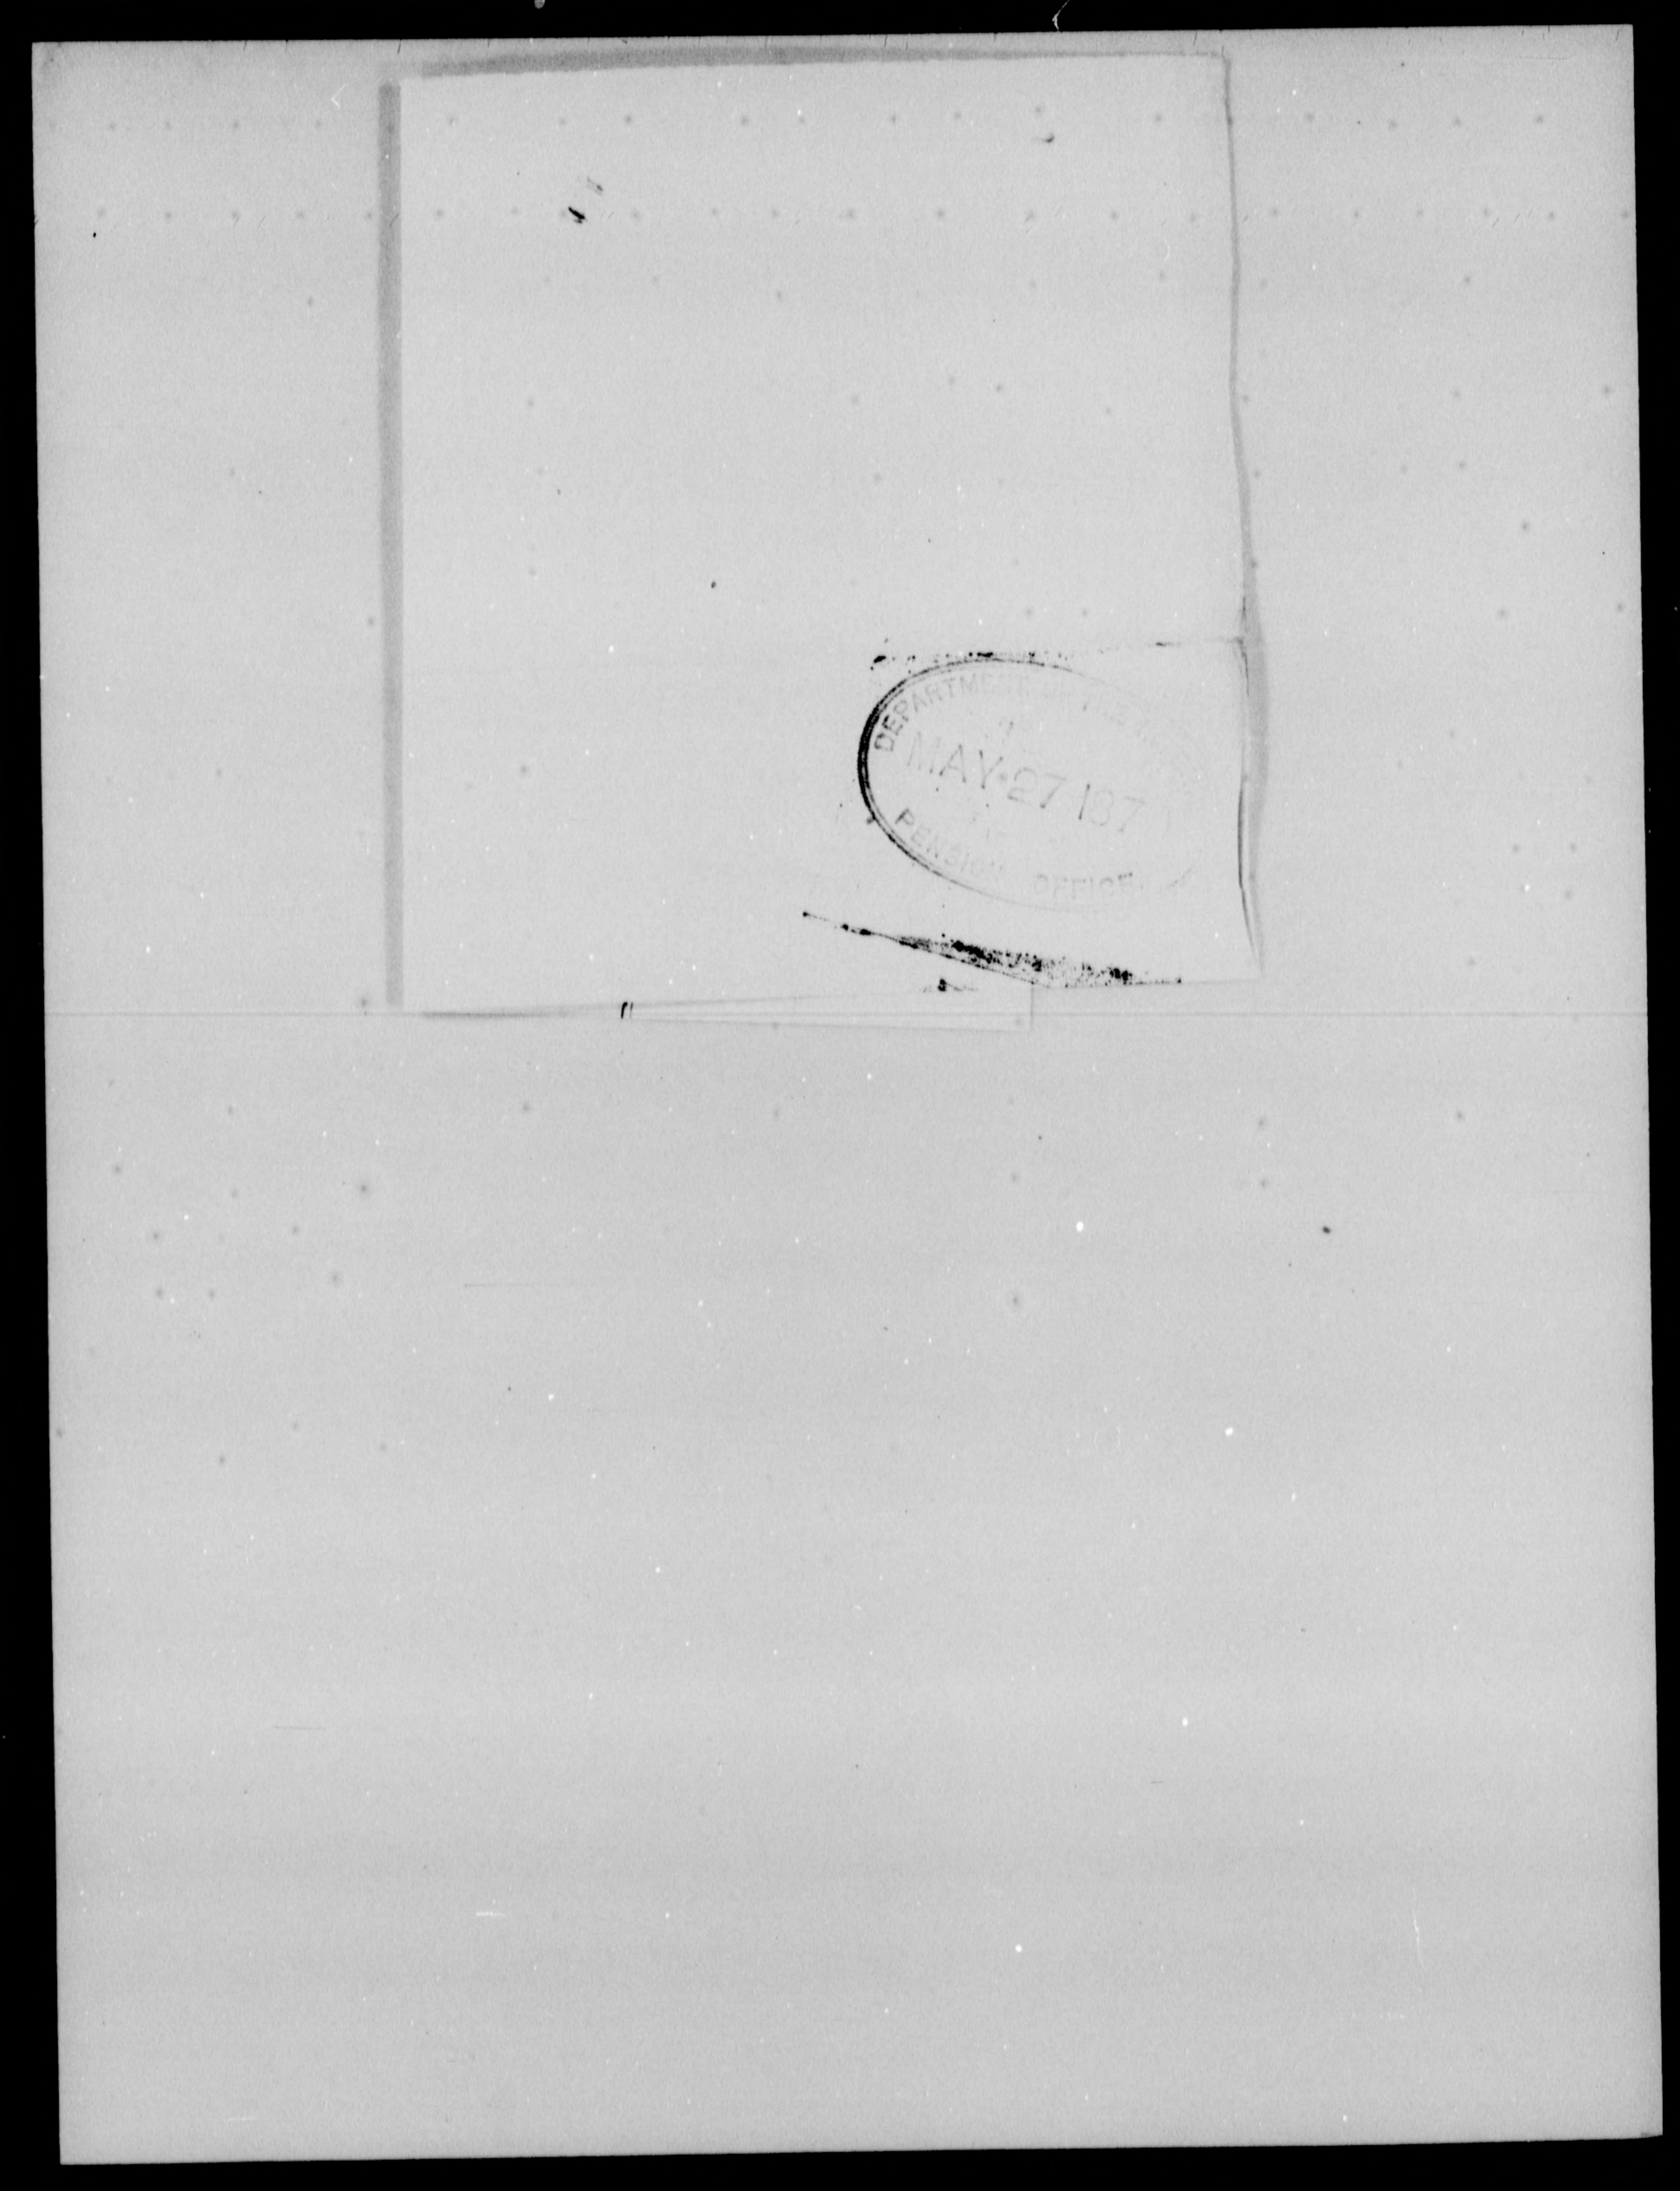[A stamp from the Pension Office dated May 27 187[?]]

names: [BLANK]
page: 41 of 46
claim: widow's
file: W. 504, for Abraham Snow, Connecticut